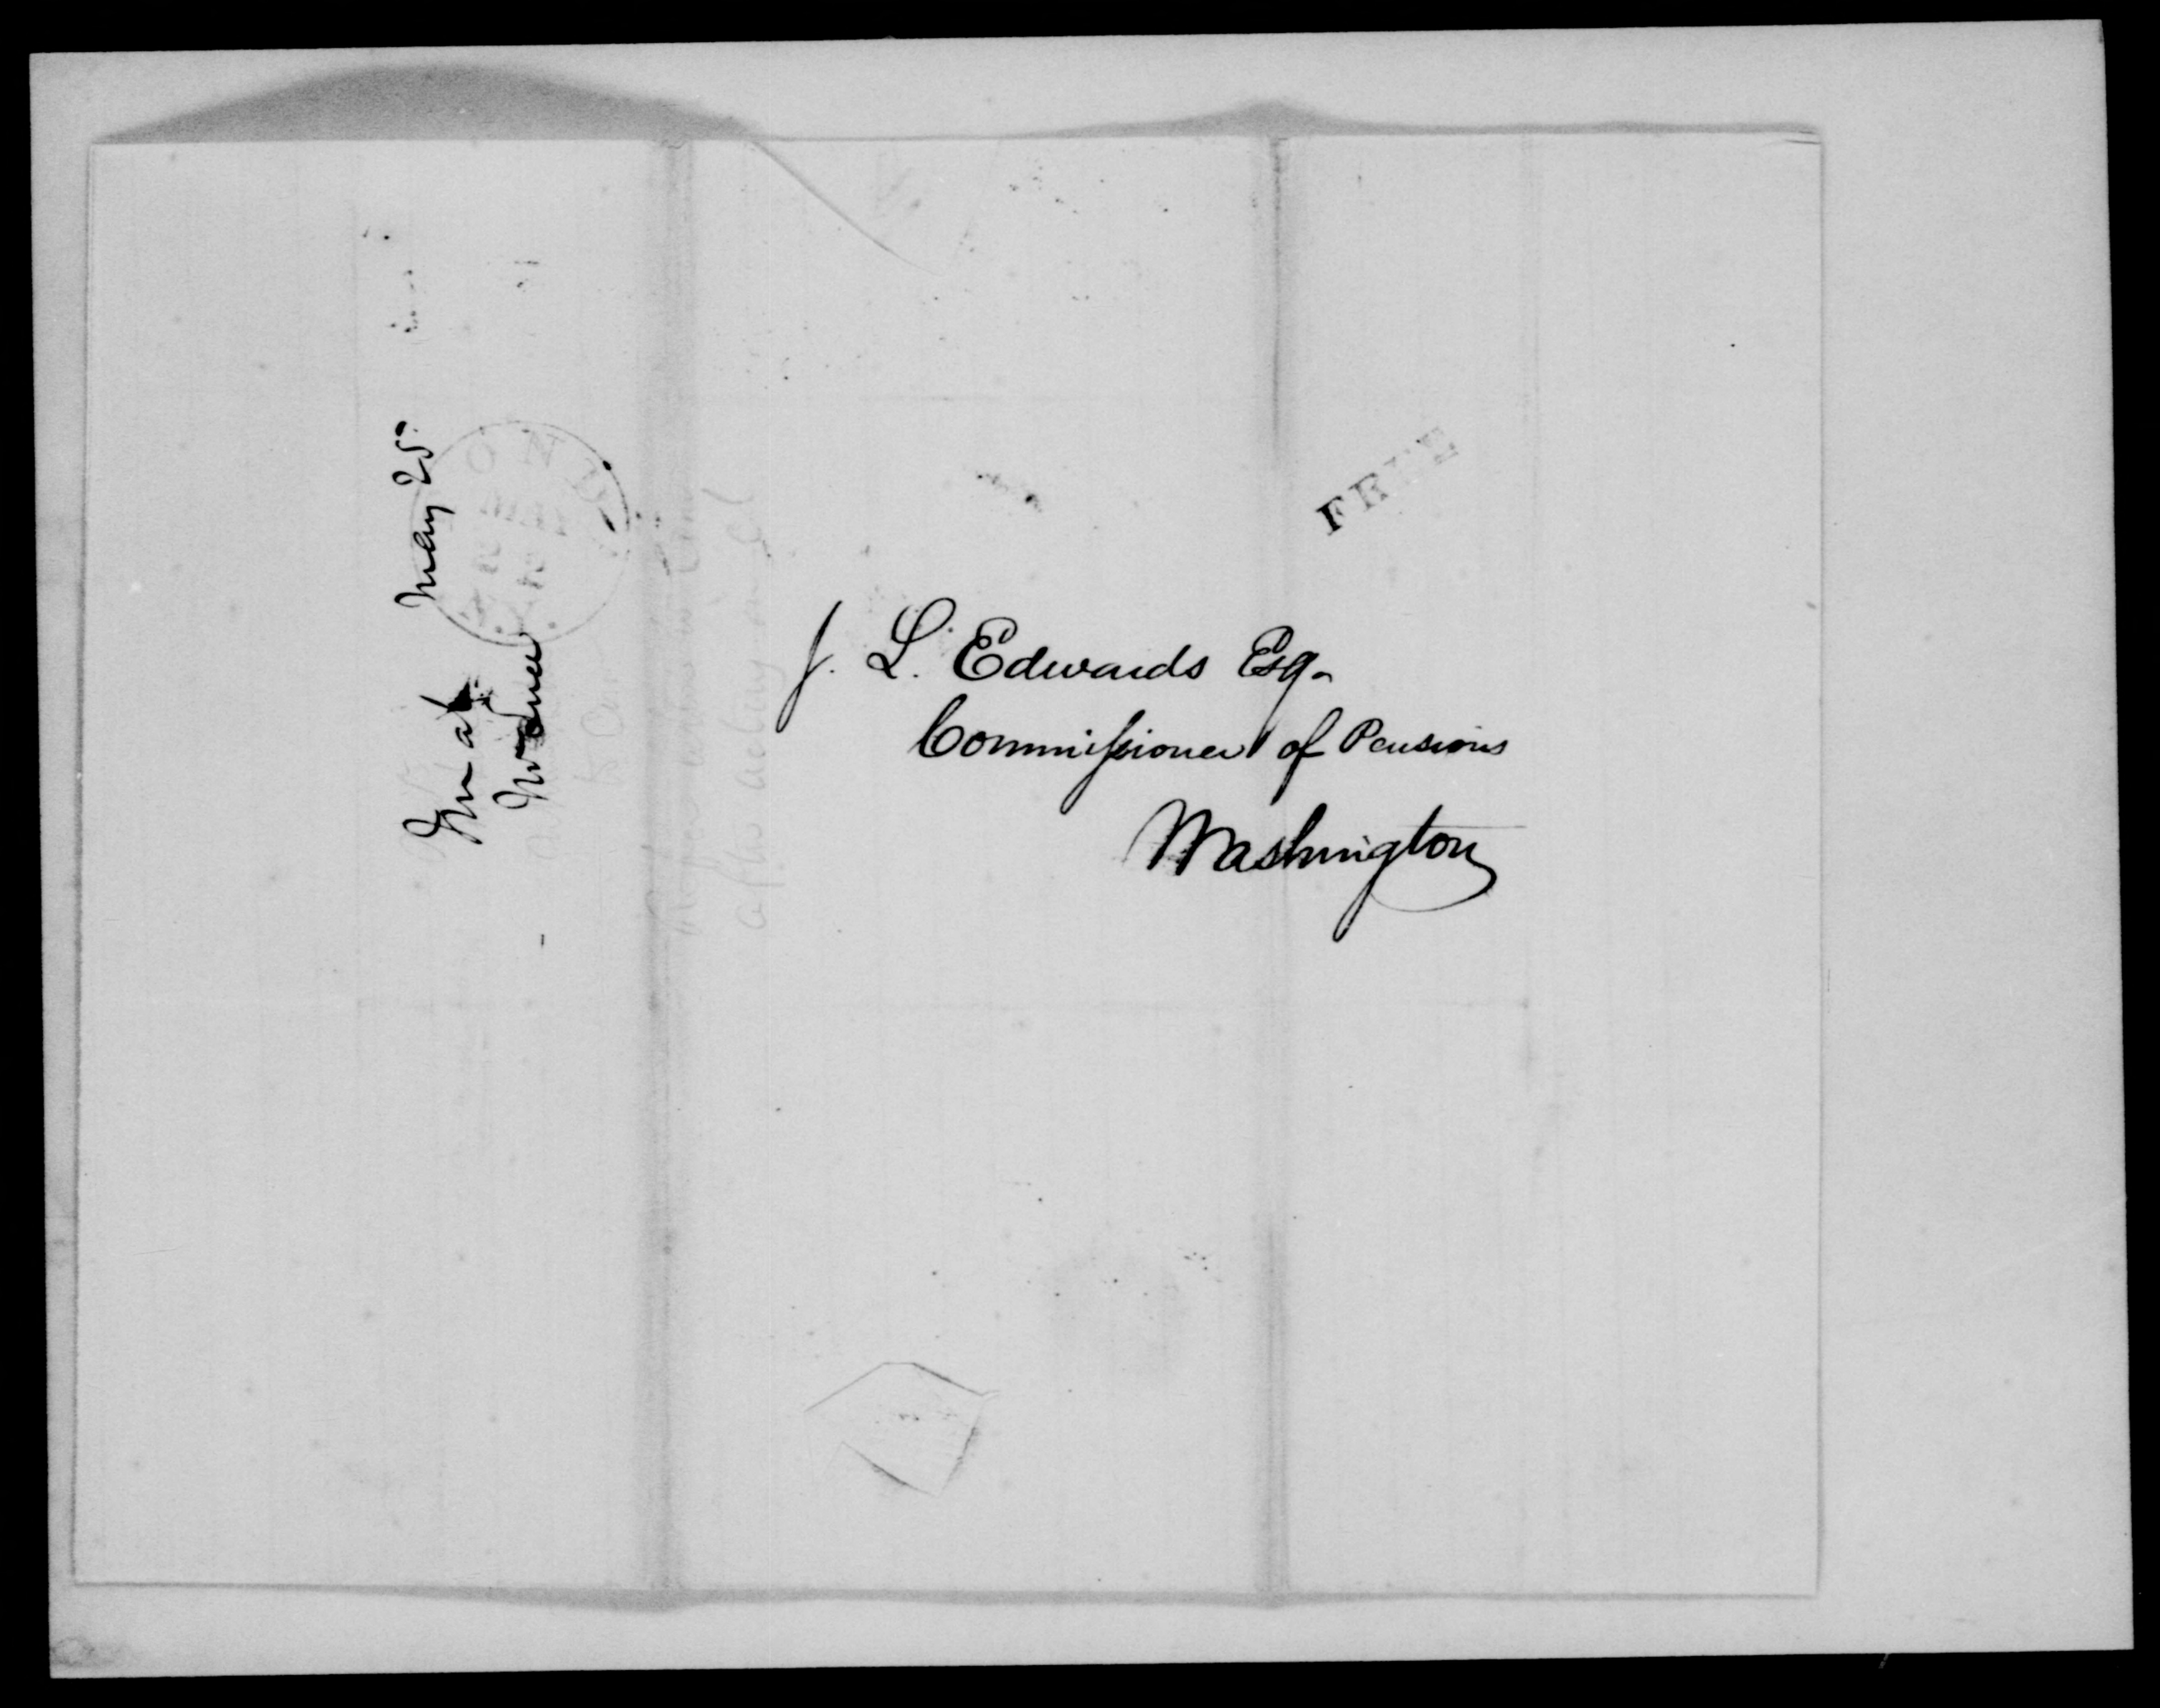[illegible] at [illegible]
May 25

(stamped FREE?)

J.L. Edwards Esq.
Commissioner of Pensions
Washington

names: J L Edwards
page: 30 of 51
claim: widow's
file: W. 19604, Myndert B Wemple, New York